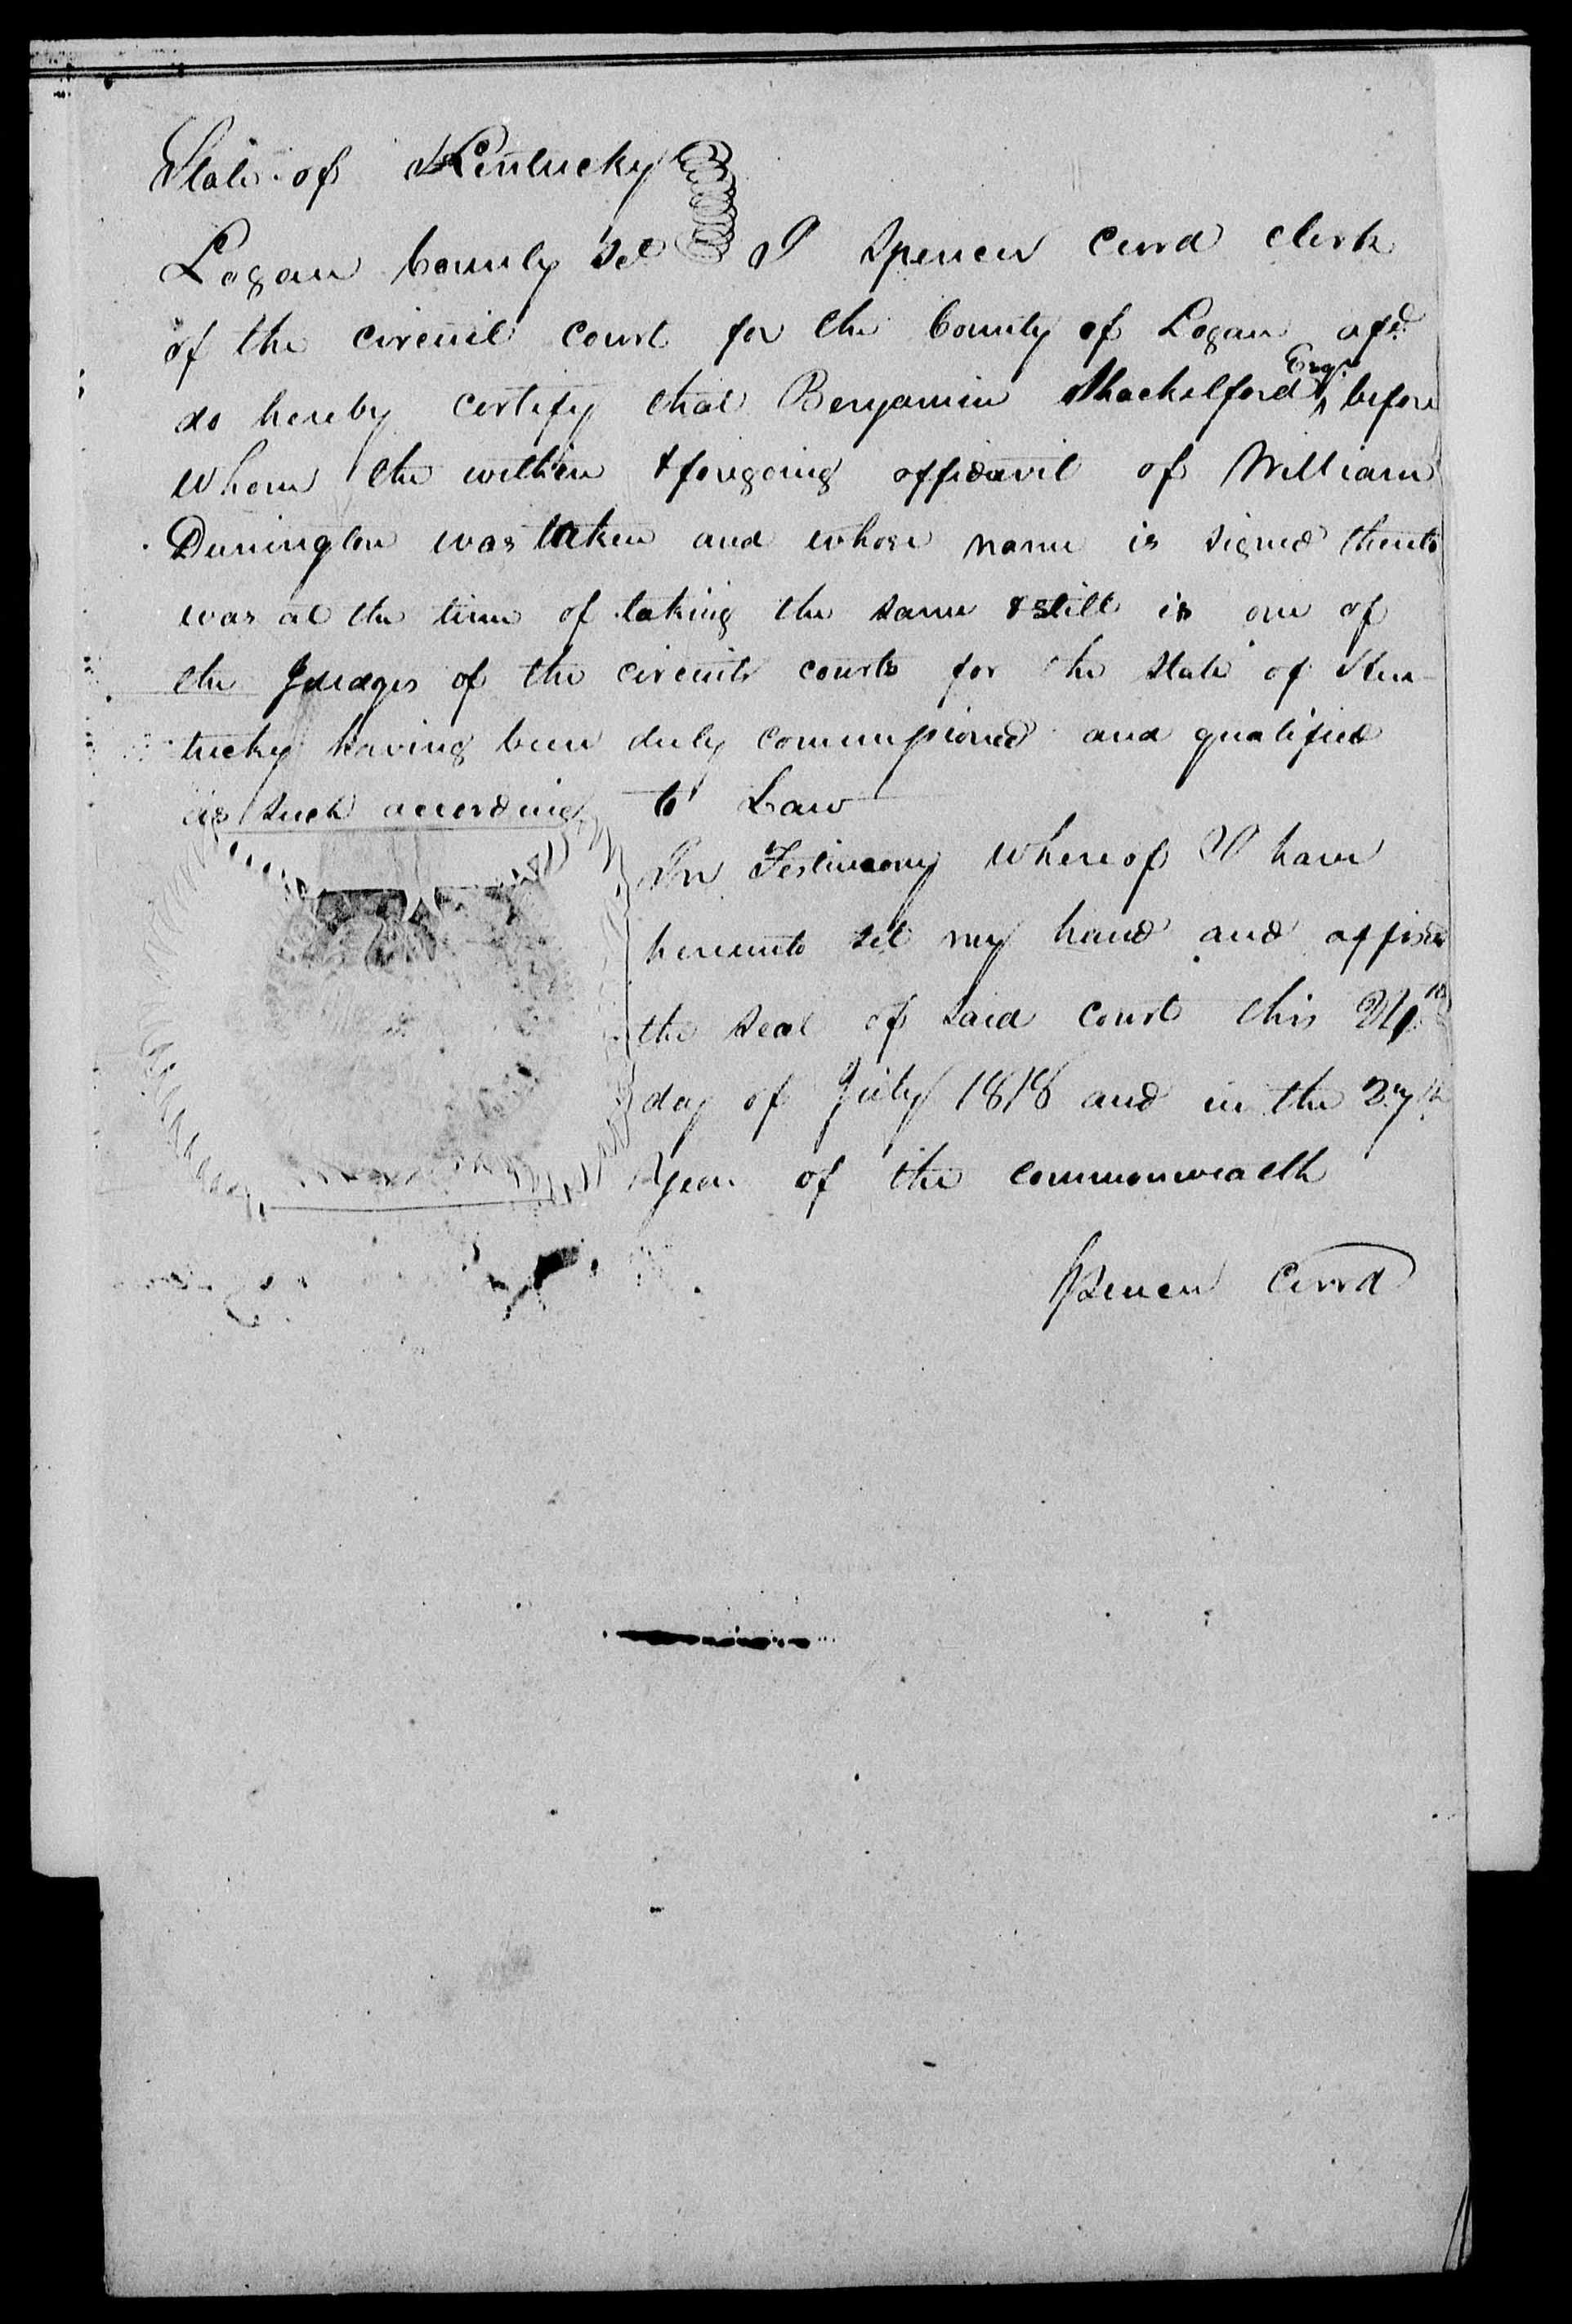State of Kentucky
Logan County [illegible]
I Spencer Curd clerk of the circuit court for the County of Logan afd [aforesaid] do herby certify that Benjamin Shackelford Esq before whom the withing + forgoing affidavit of William Dunington was taken and whose name is signed thereto was at the time of taking the same + still is one of the Judges of the circuit courts for the State of Kentucky having been duly commissioned and qualified as such according to Law
In testimony wherof I have hereunto set my hand and affix the seal of said court this 24th day of July 1818 and in the 27th year of the commonwealth

Spencer Curd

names: William Dunington, Spencer Curd, Benjamin Shackelford, Spencer Curd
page: 16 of 51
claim: widow's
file: W. 27,409, William Dunnington, Md.